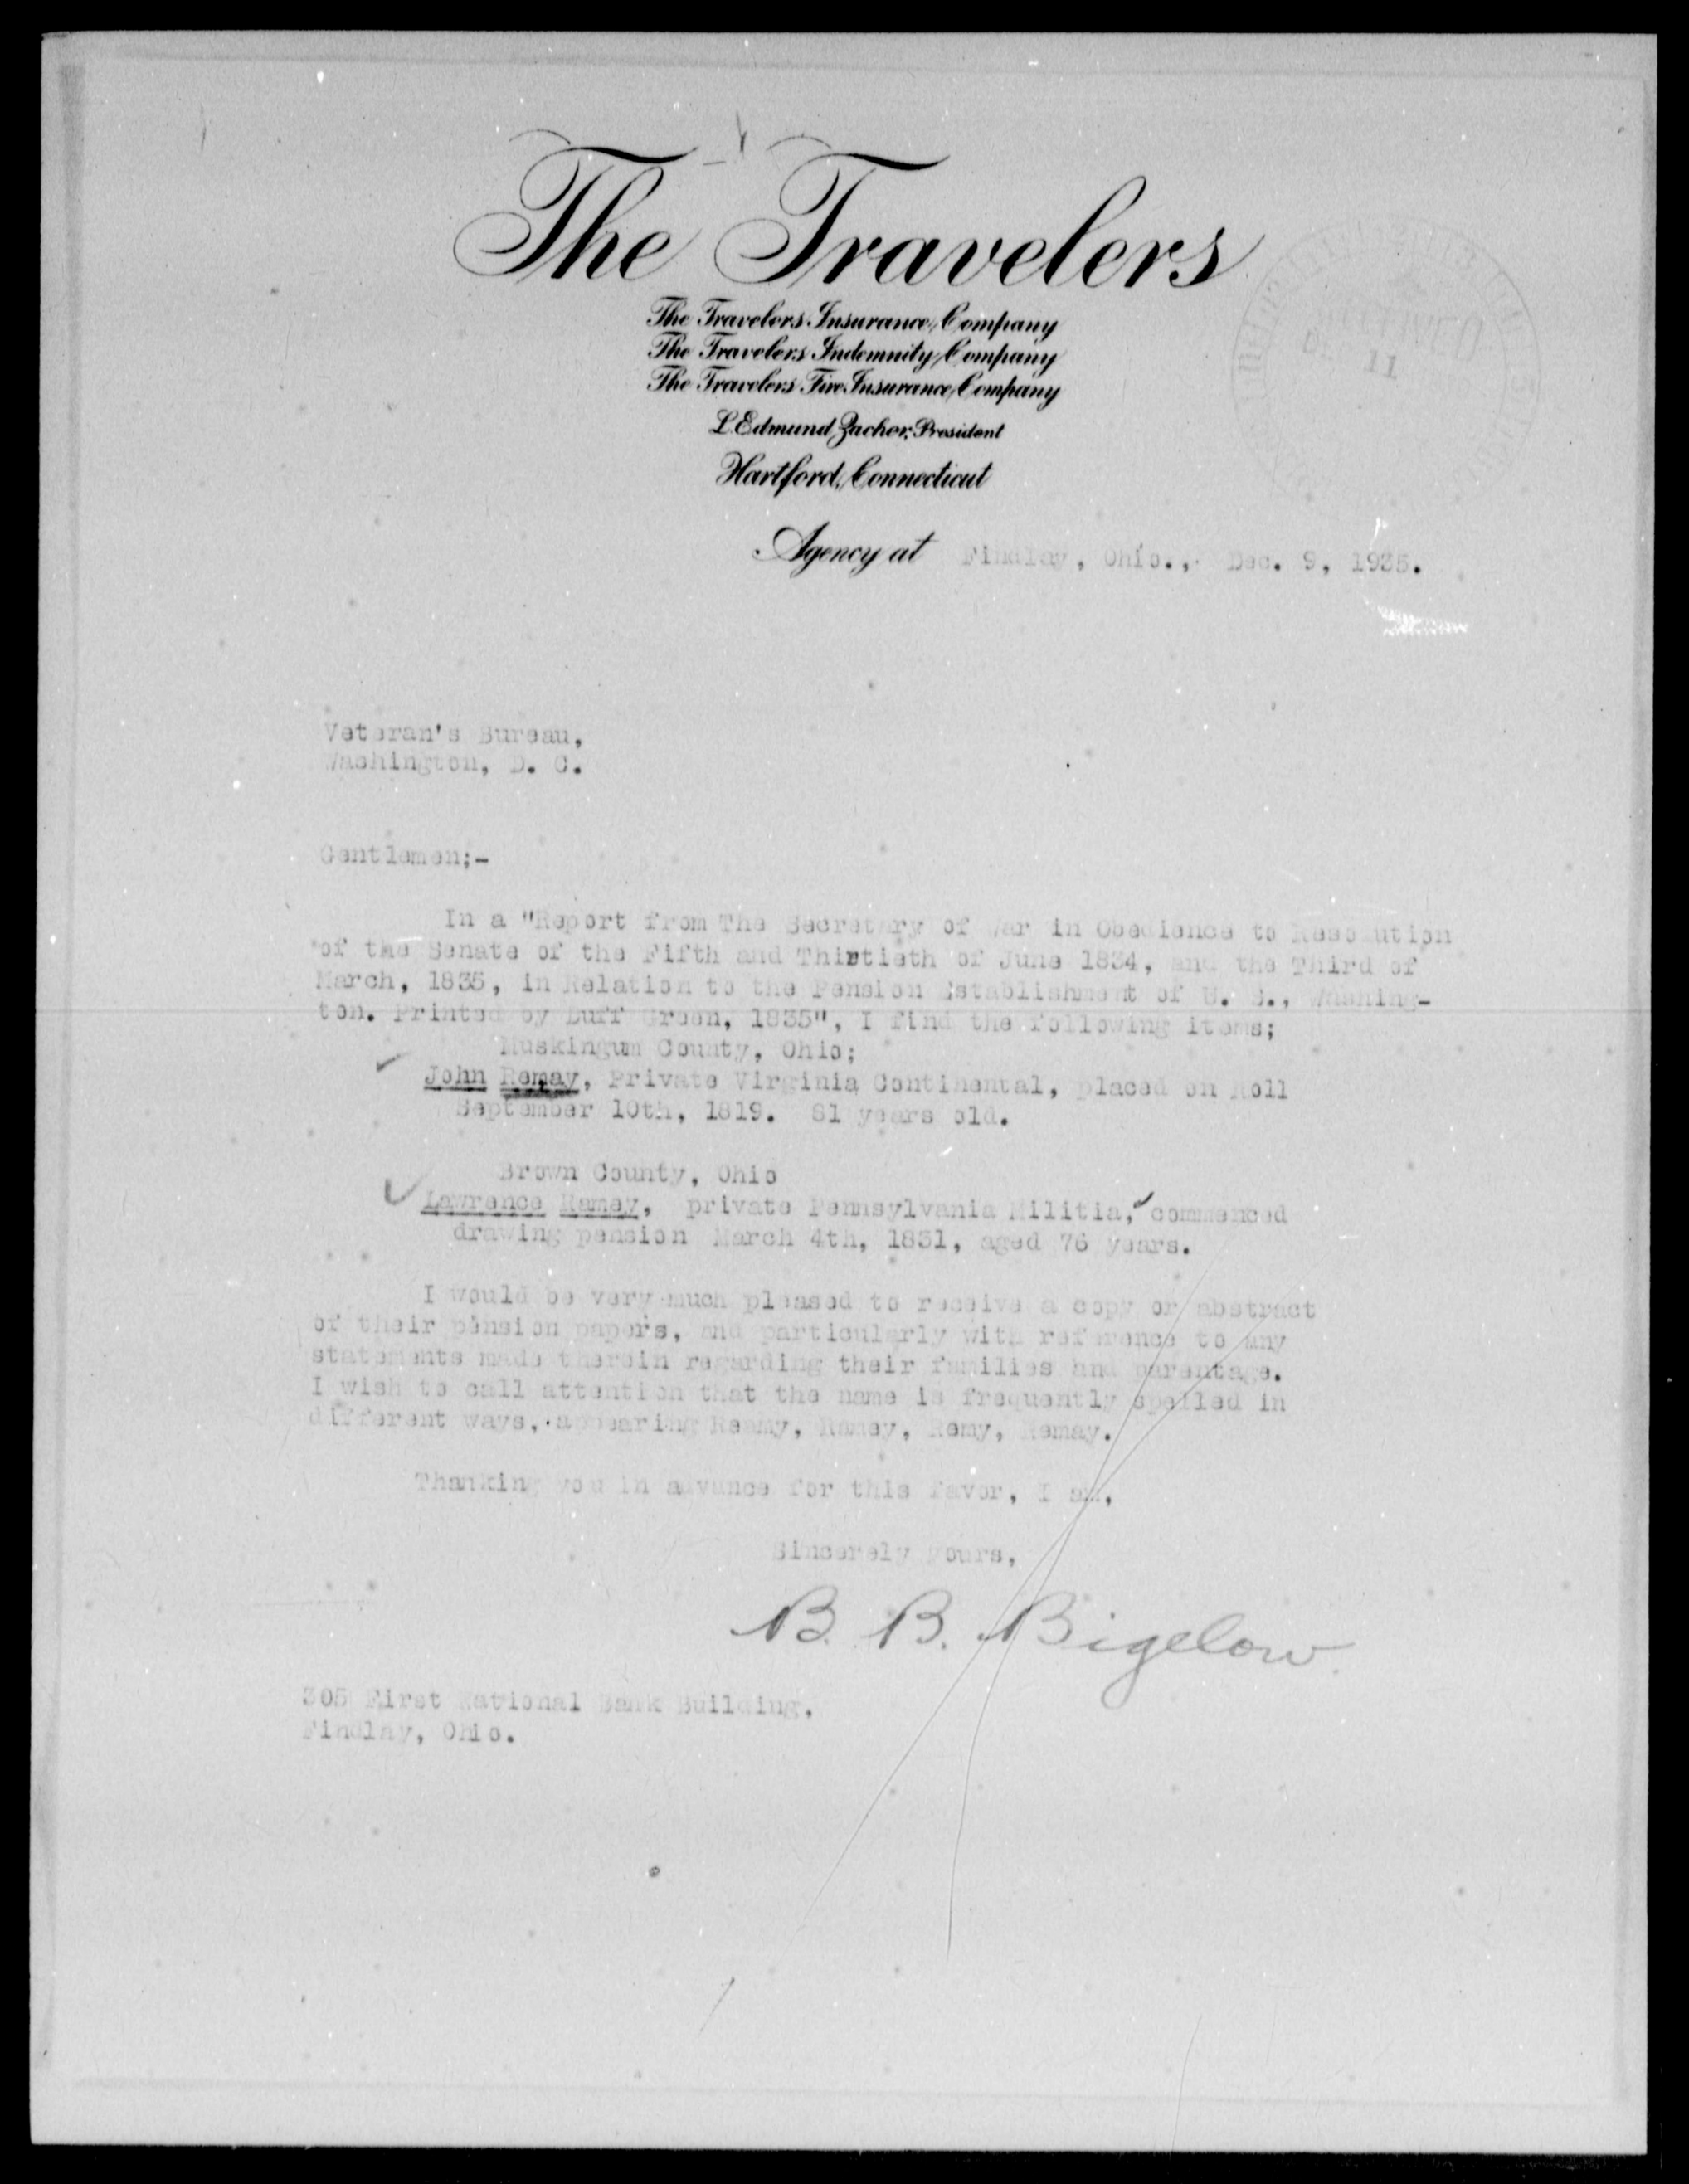The Travelers
The Travelers. Insurance Company
The Travelers Indemnity Company
The Travelers Fire Insurance Company
L. Edmund Zacher, President
Hartford, Connecticut
Agency at Findlay, Ohio., Dec. 9, 1935.

Veteran's Bureau.
Washington, D. C.
Gentlemen;-
In a "Report from The Secretary of War in Obedience to Resolution of the Senate of the Fifth and Thirtieth of June 1834, and the Third of March, 1835, in Relation to the Pension Establishment of U. S., Washington. Printed by Duff Green, 1835", I find the following items;
Muskingum County, Ohio;
John Remay, Private Virginia Continental, placed on Roll September 10th, 1819. 81 years old.
Brown County, Ohio
Lawrence Remay, private Pennsylvania Militia, commenced drawing pension March 4th, 1831, aged 76 years.
I would be very much pleased to receive a copy of abstract of their pension papers, and particularly with reference to any statements made therein regarding their families and parents. I wish to call attention that the name is frequently spelled in different ways, appearing Reamy, Ramey, Remy, Remay.
Thanking you in advance for this favor, I am,
Sincerely yours,
B. B. Bigelow.
305 First National Bank Building.
Findlay, Ohio.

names: Lawrence Ramey; John Remay; B B Bigelow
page: 54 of 84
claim: widow's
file: W.11104, for John Remay, Virginia